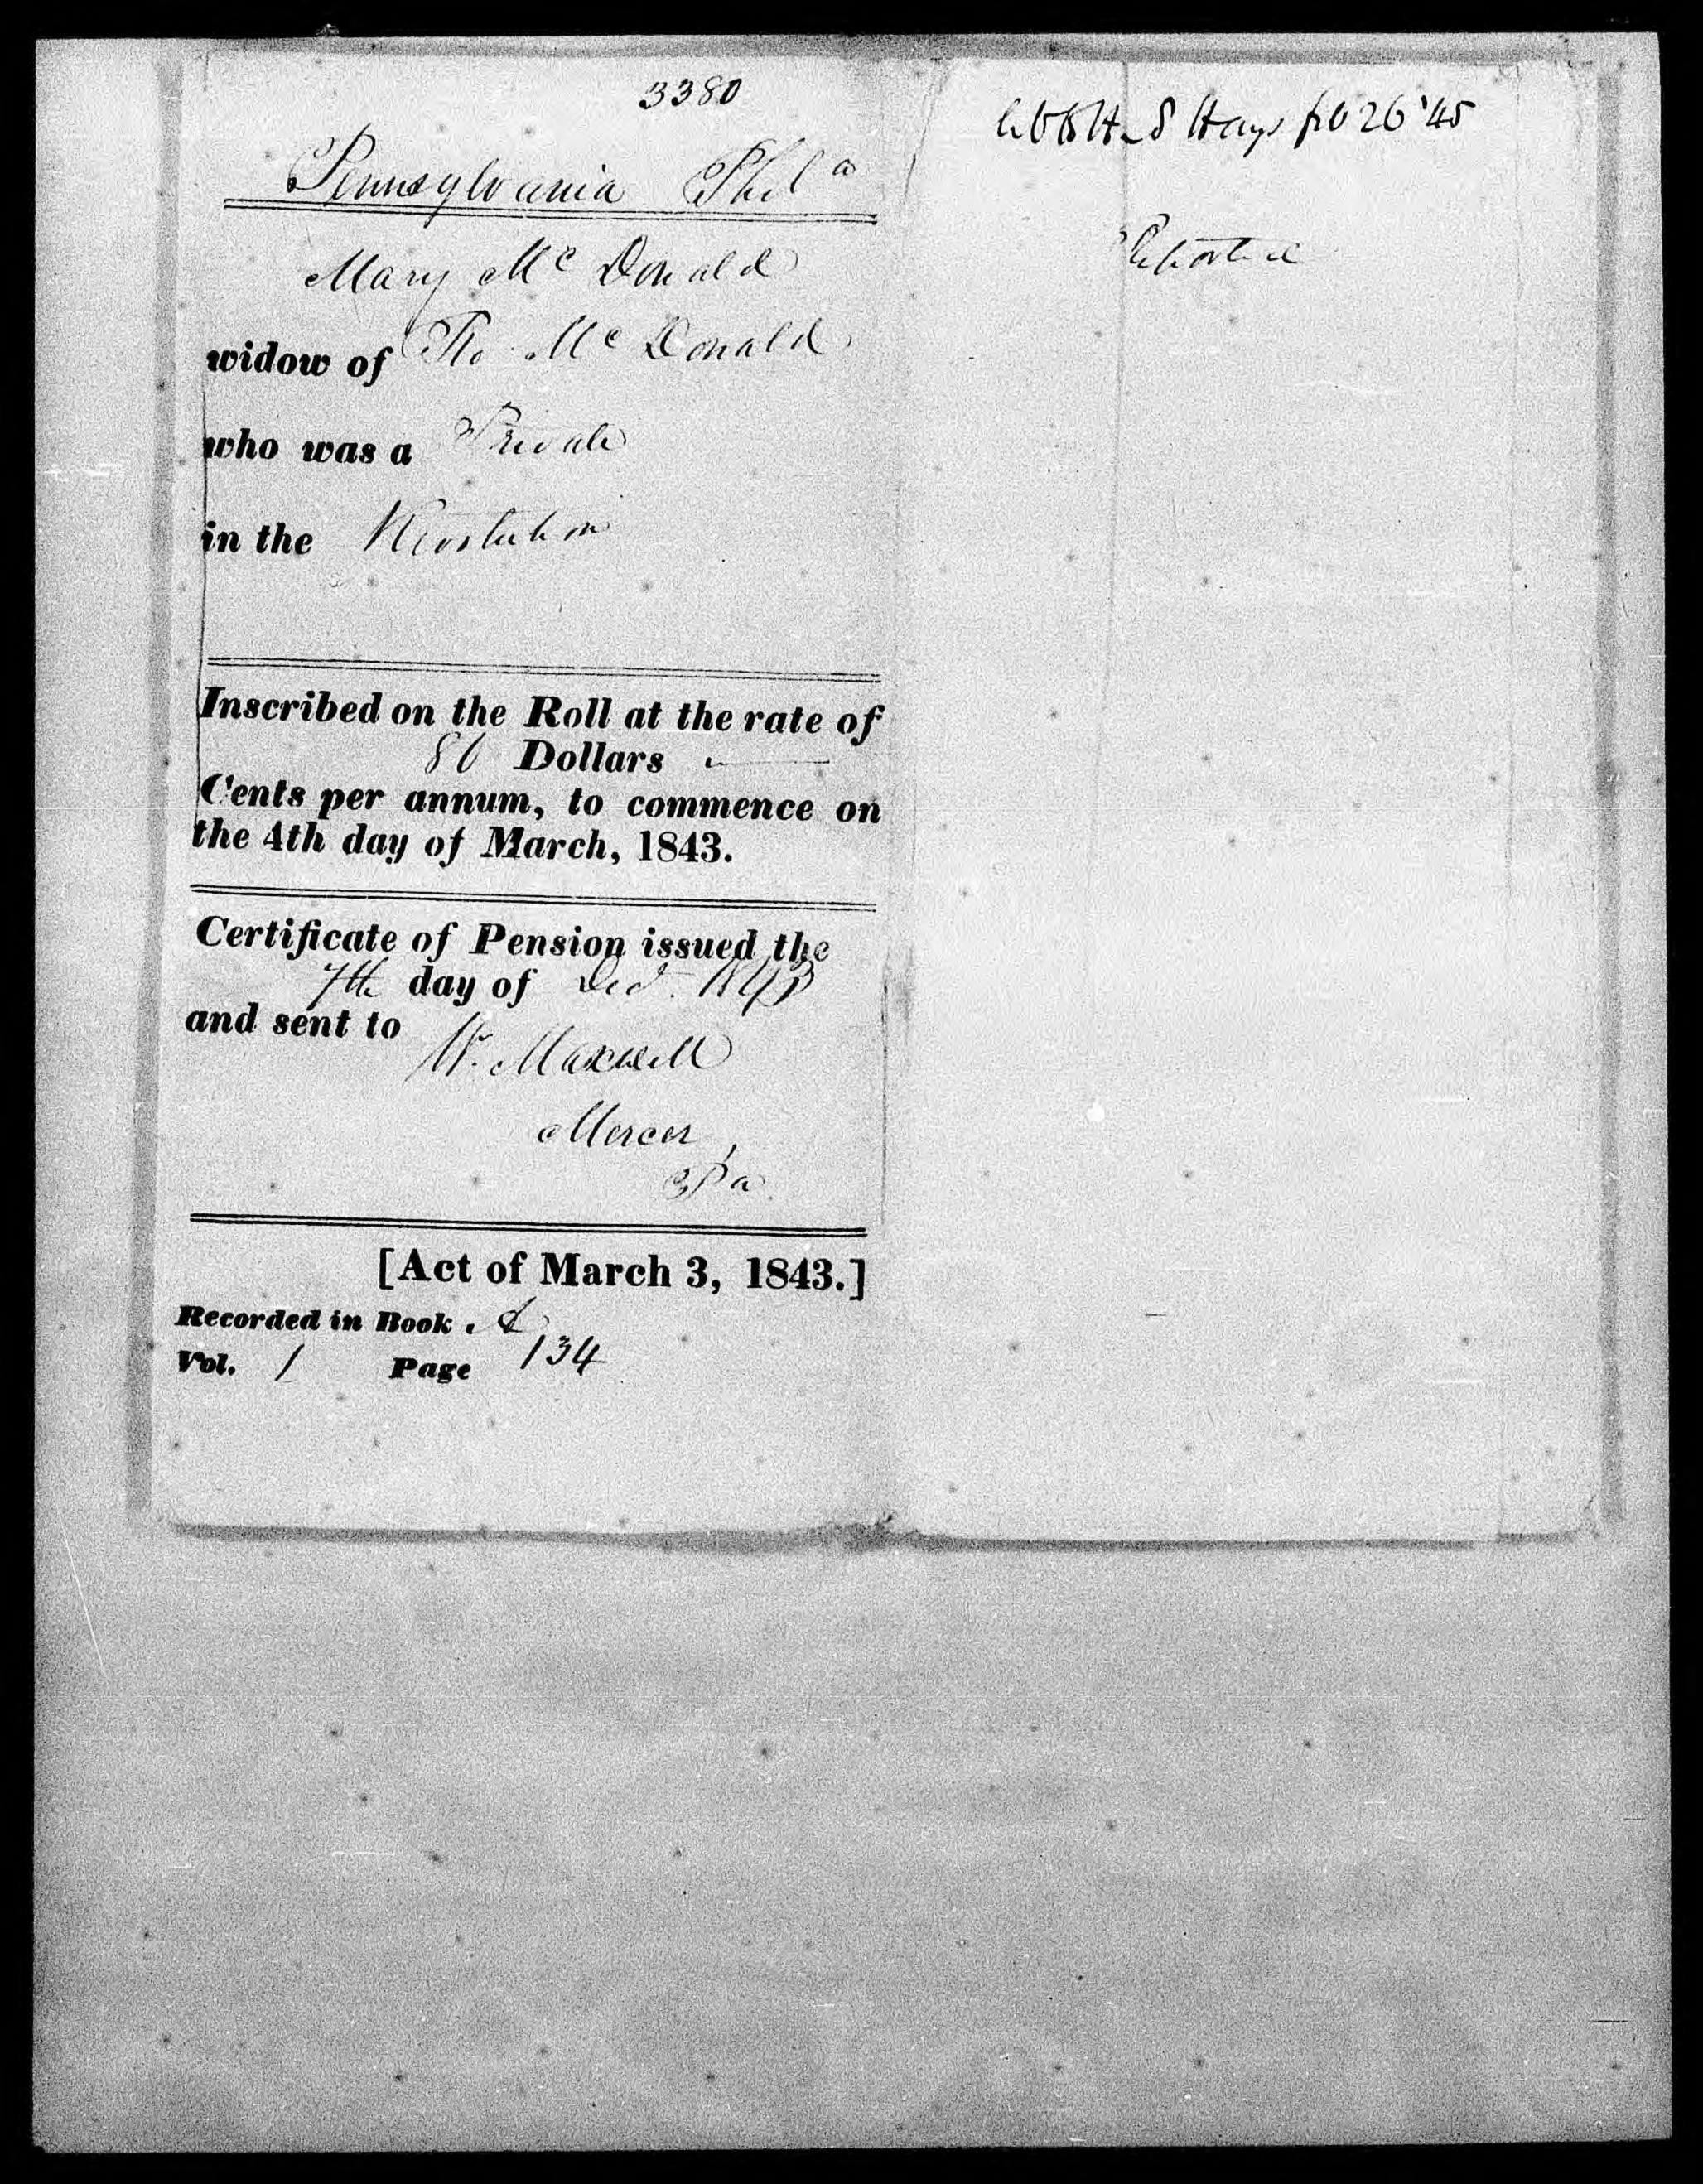3380
Pennsylvania Philadelphia
Mary McDonald
widow of Robert McDonald who was a Private in the Revolution
Inscribed on the Roll at the rate of 86 dollars Cents per annum, to commence on the 4th day of March, 1843
Certificate of Pension issued the 7th day of December and sent to MMaxwell Mercer Pa
Act of March 3, 1843
recorded in Book A Vol 1 Page 134
WBKHS Hays po26'45
(unreadable)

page: 24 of 59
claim: widow's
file: W 3703, for Robert Mc Donald, Pennsylvania